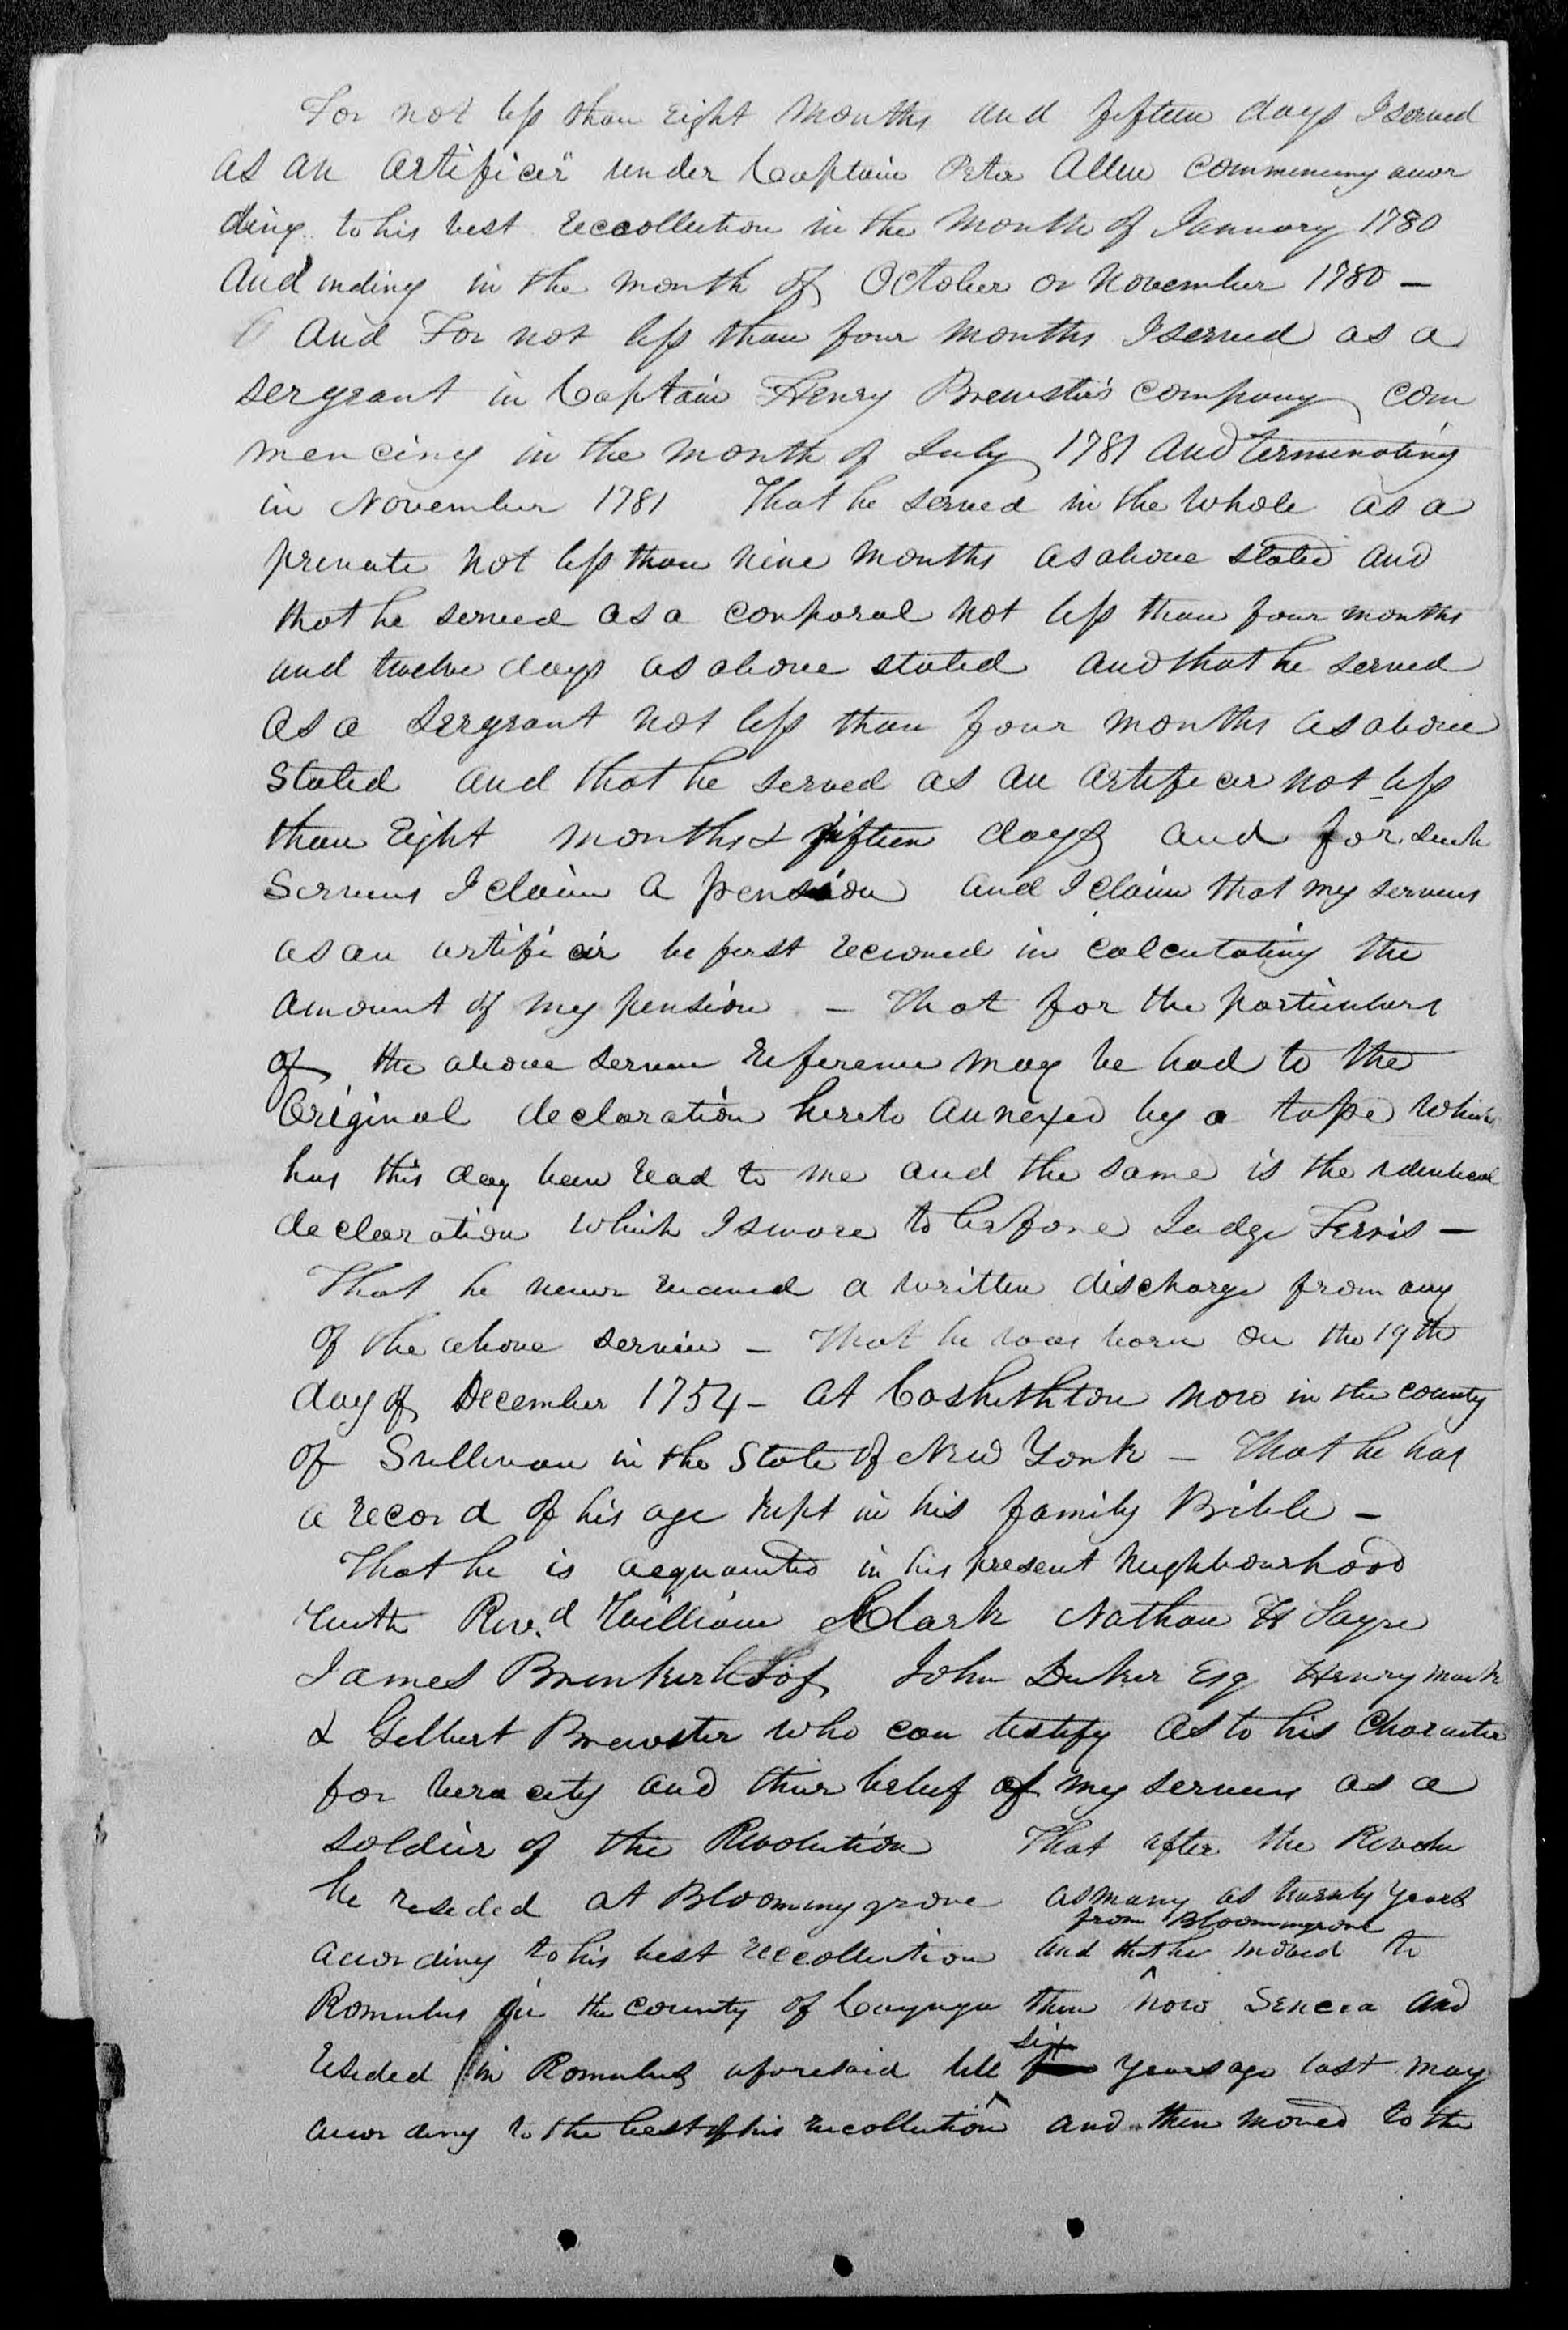For not less than eight months  and fifteen days I served as an artificer under Captain Peter Allen commencing according to his best recollection in the month of January 1780. And ending in the month of October or November 1780
And for not less than four months I served as a sergeant in Captain Henry Brewster's company commencing in the month of July 1781 and terminating in November 1781  That he served in the whole as a private not less than nine months as above stated and that he served as a corporal not less than four months and twelve days as above stated and that he served as a sergeant not less than four months as above stated and that he served as an artificer not less than eight months + fifteen days and for such service I claim a pension and I claim that my service as an artificer be first received in calculating the amount of my pension. That for the particulars of the above service reference may be had to the original declaration hereto annexes by a  tape which has this day been read to me and the same is the redundent declaration which I swore to before Judge Ferris. That he vever received a written discharge from any of the service. That he was born on the 19th day of December 1754. At Coshithton noro in the county of Sullivan in the State of New York. That he has a record of his age kept in his family bible. that he is acquainted in his present neighborhood with Rev'd William Clark Nathan H Sayre James Brinkerhoff, John Duker esq Henry Martin + Gilbert Brewster who can testify as to his character for veracity and their belief of my service as a soldier of the Revolution. That after the Revolution  he resided at Blooming grove as many as twenty years according to his best recollection and that town Blooming grove he moved to Romulus in the county of Cayuga then now Seneca and resided in Romulus aforesaid till six years ago last May also during to the best of his recollection and then moved to the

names: William Clark, John Duker, James Brewster, Peter Allen, Nathan H Sayre, Henry, Gilbert Brewster, Ferris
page: 13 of 26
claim: survivor's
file: S. 12,291, Jesse Brewster, New York